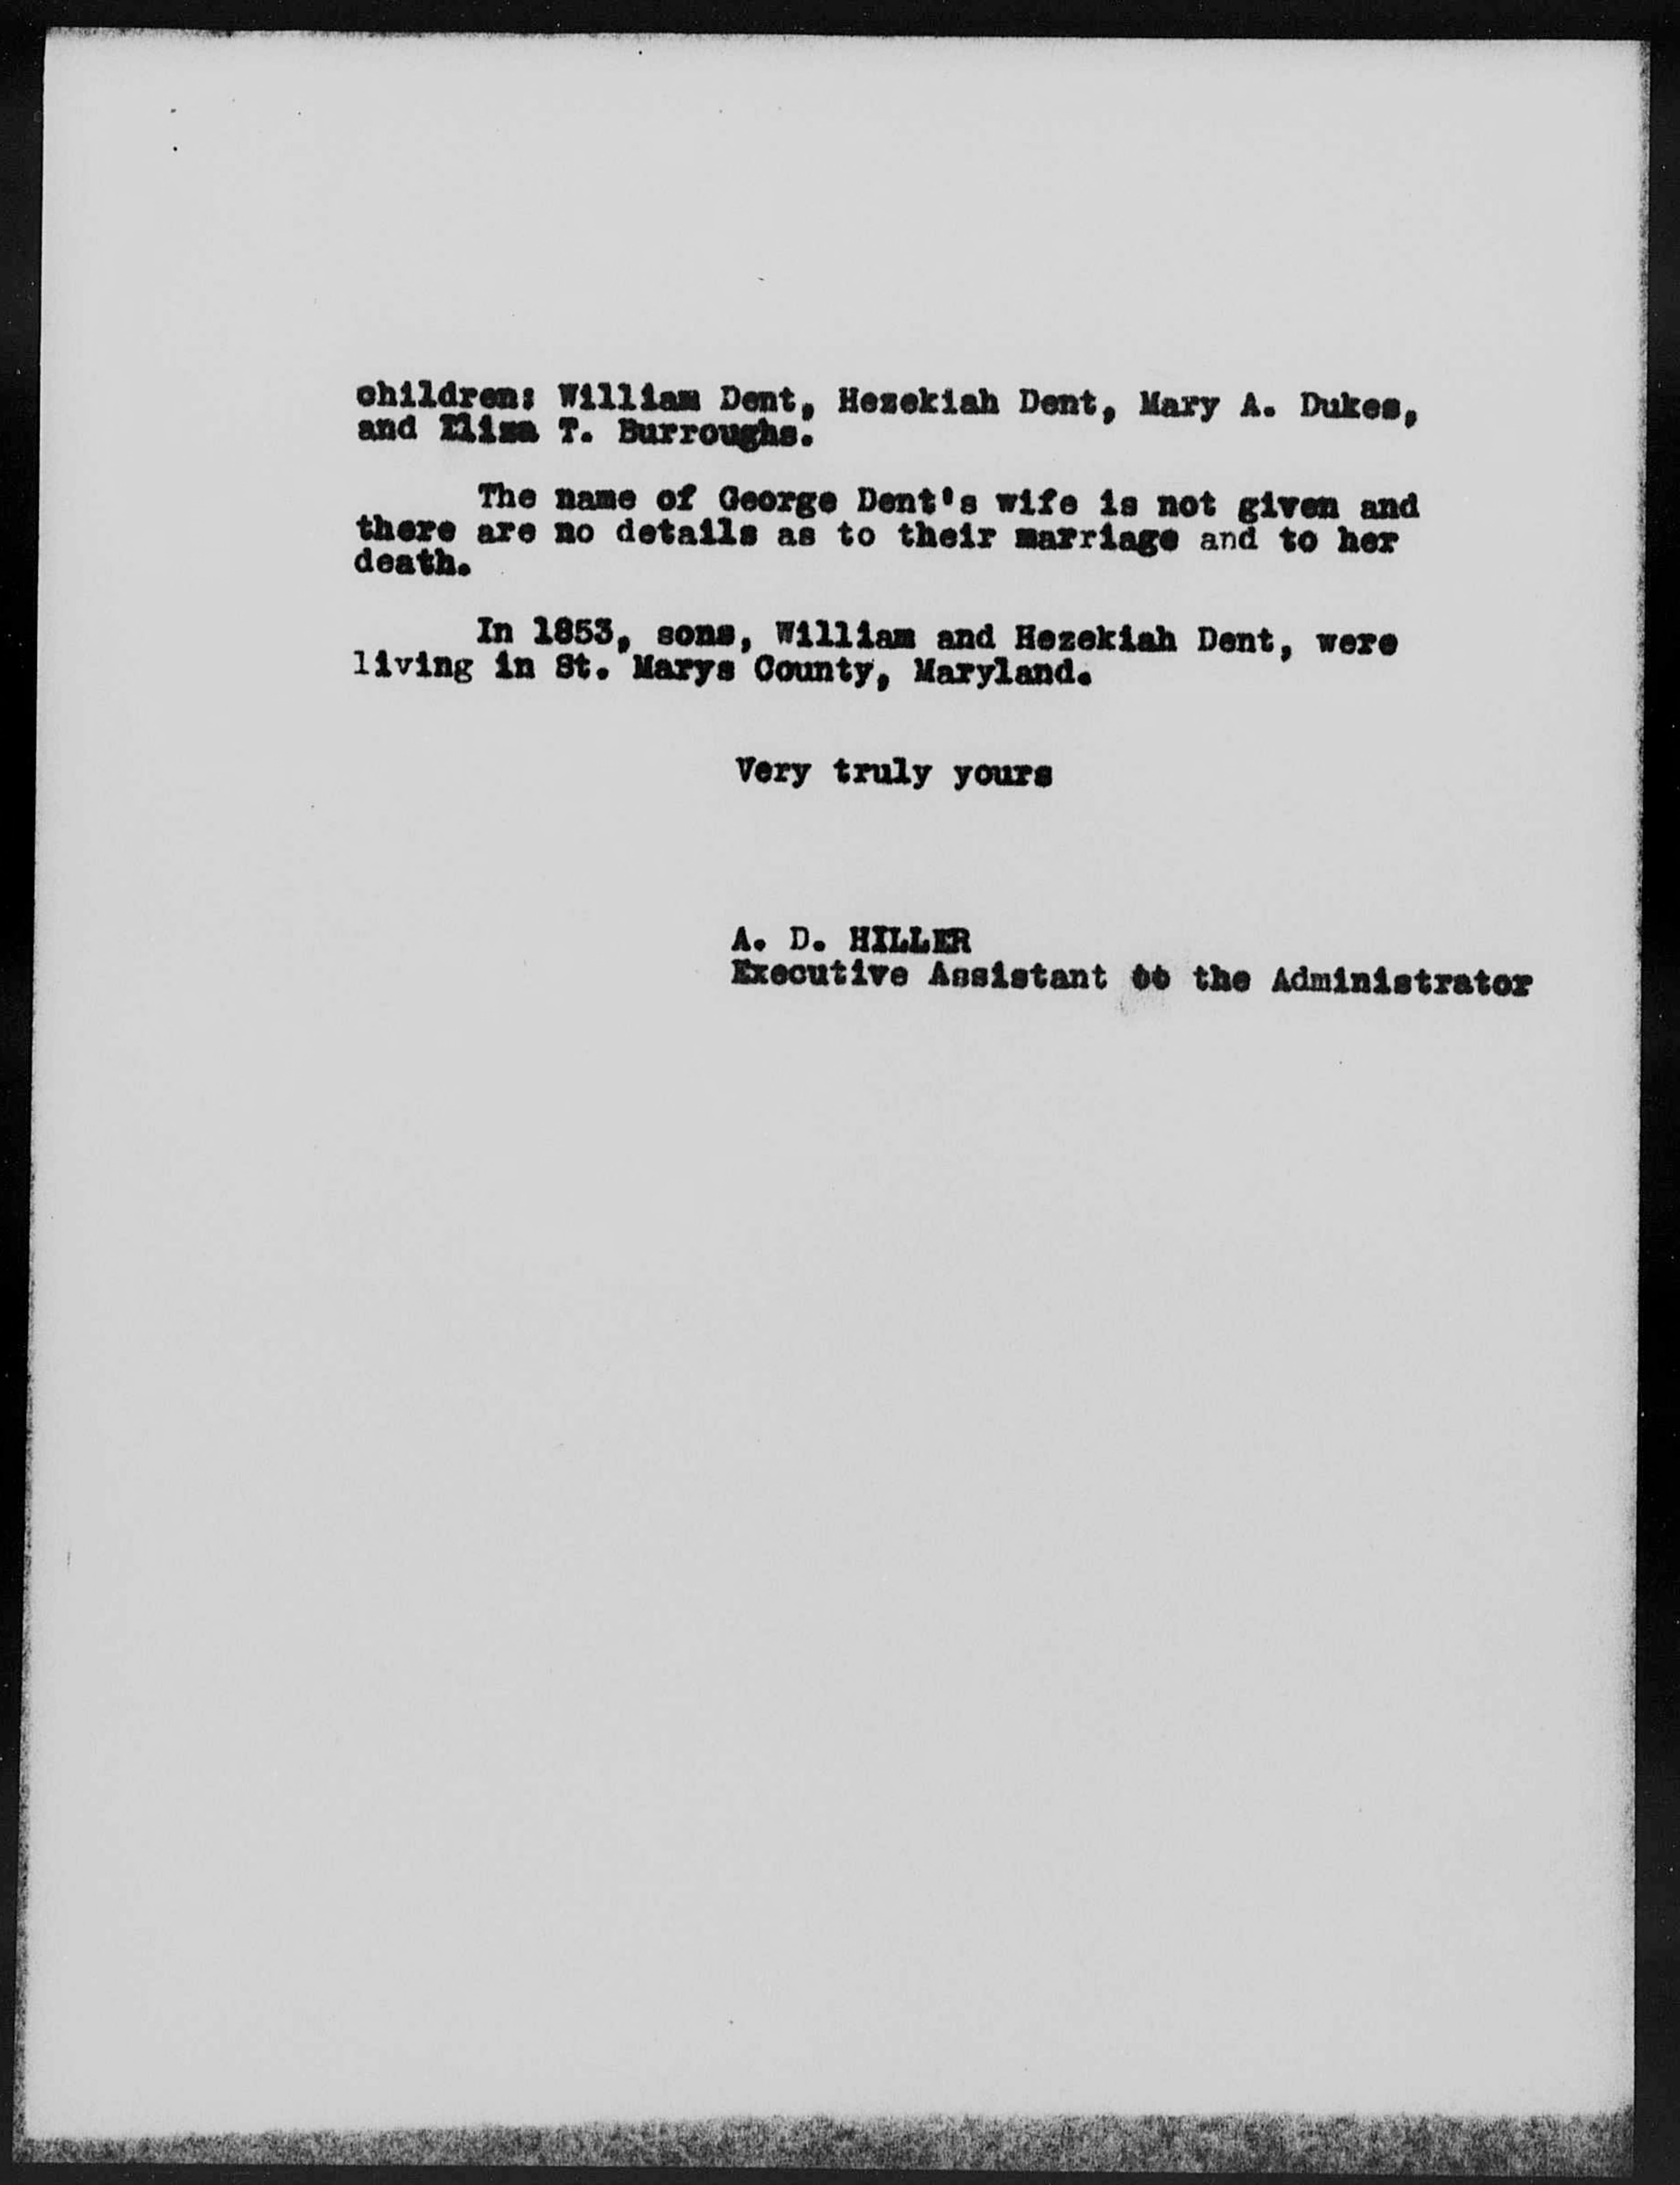[typewritten]
children, William Dent, Hezekiah Dent, Mary A. Dukes, and Eliza T. Burroughs.

The name of George Dent's wife is not given and there are no details as to their marriage and to her death.
In 1835, sons, William and Hezekiah Dent, were living in St. Marys County, Maryland.

Very truly yours
A. D. Hiller 
Executive Assistant to the Administrator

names: Hezekiah Dent, William Dent, William Dent, Eliza T Burroughs, A D Hiller, Mary A Dukes, Hezekiah Dent, George Dent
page: 21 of 49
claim: survivor's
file: S. 12755, George Dent, Md.